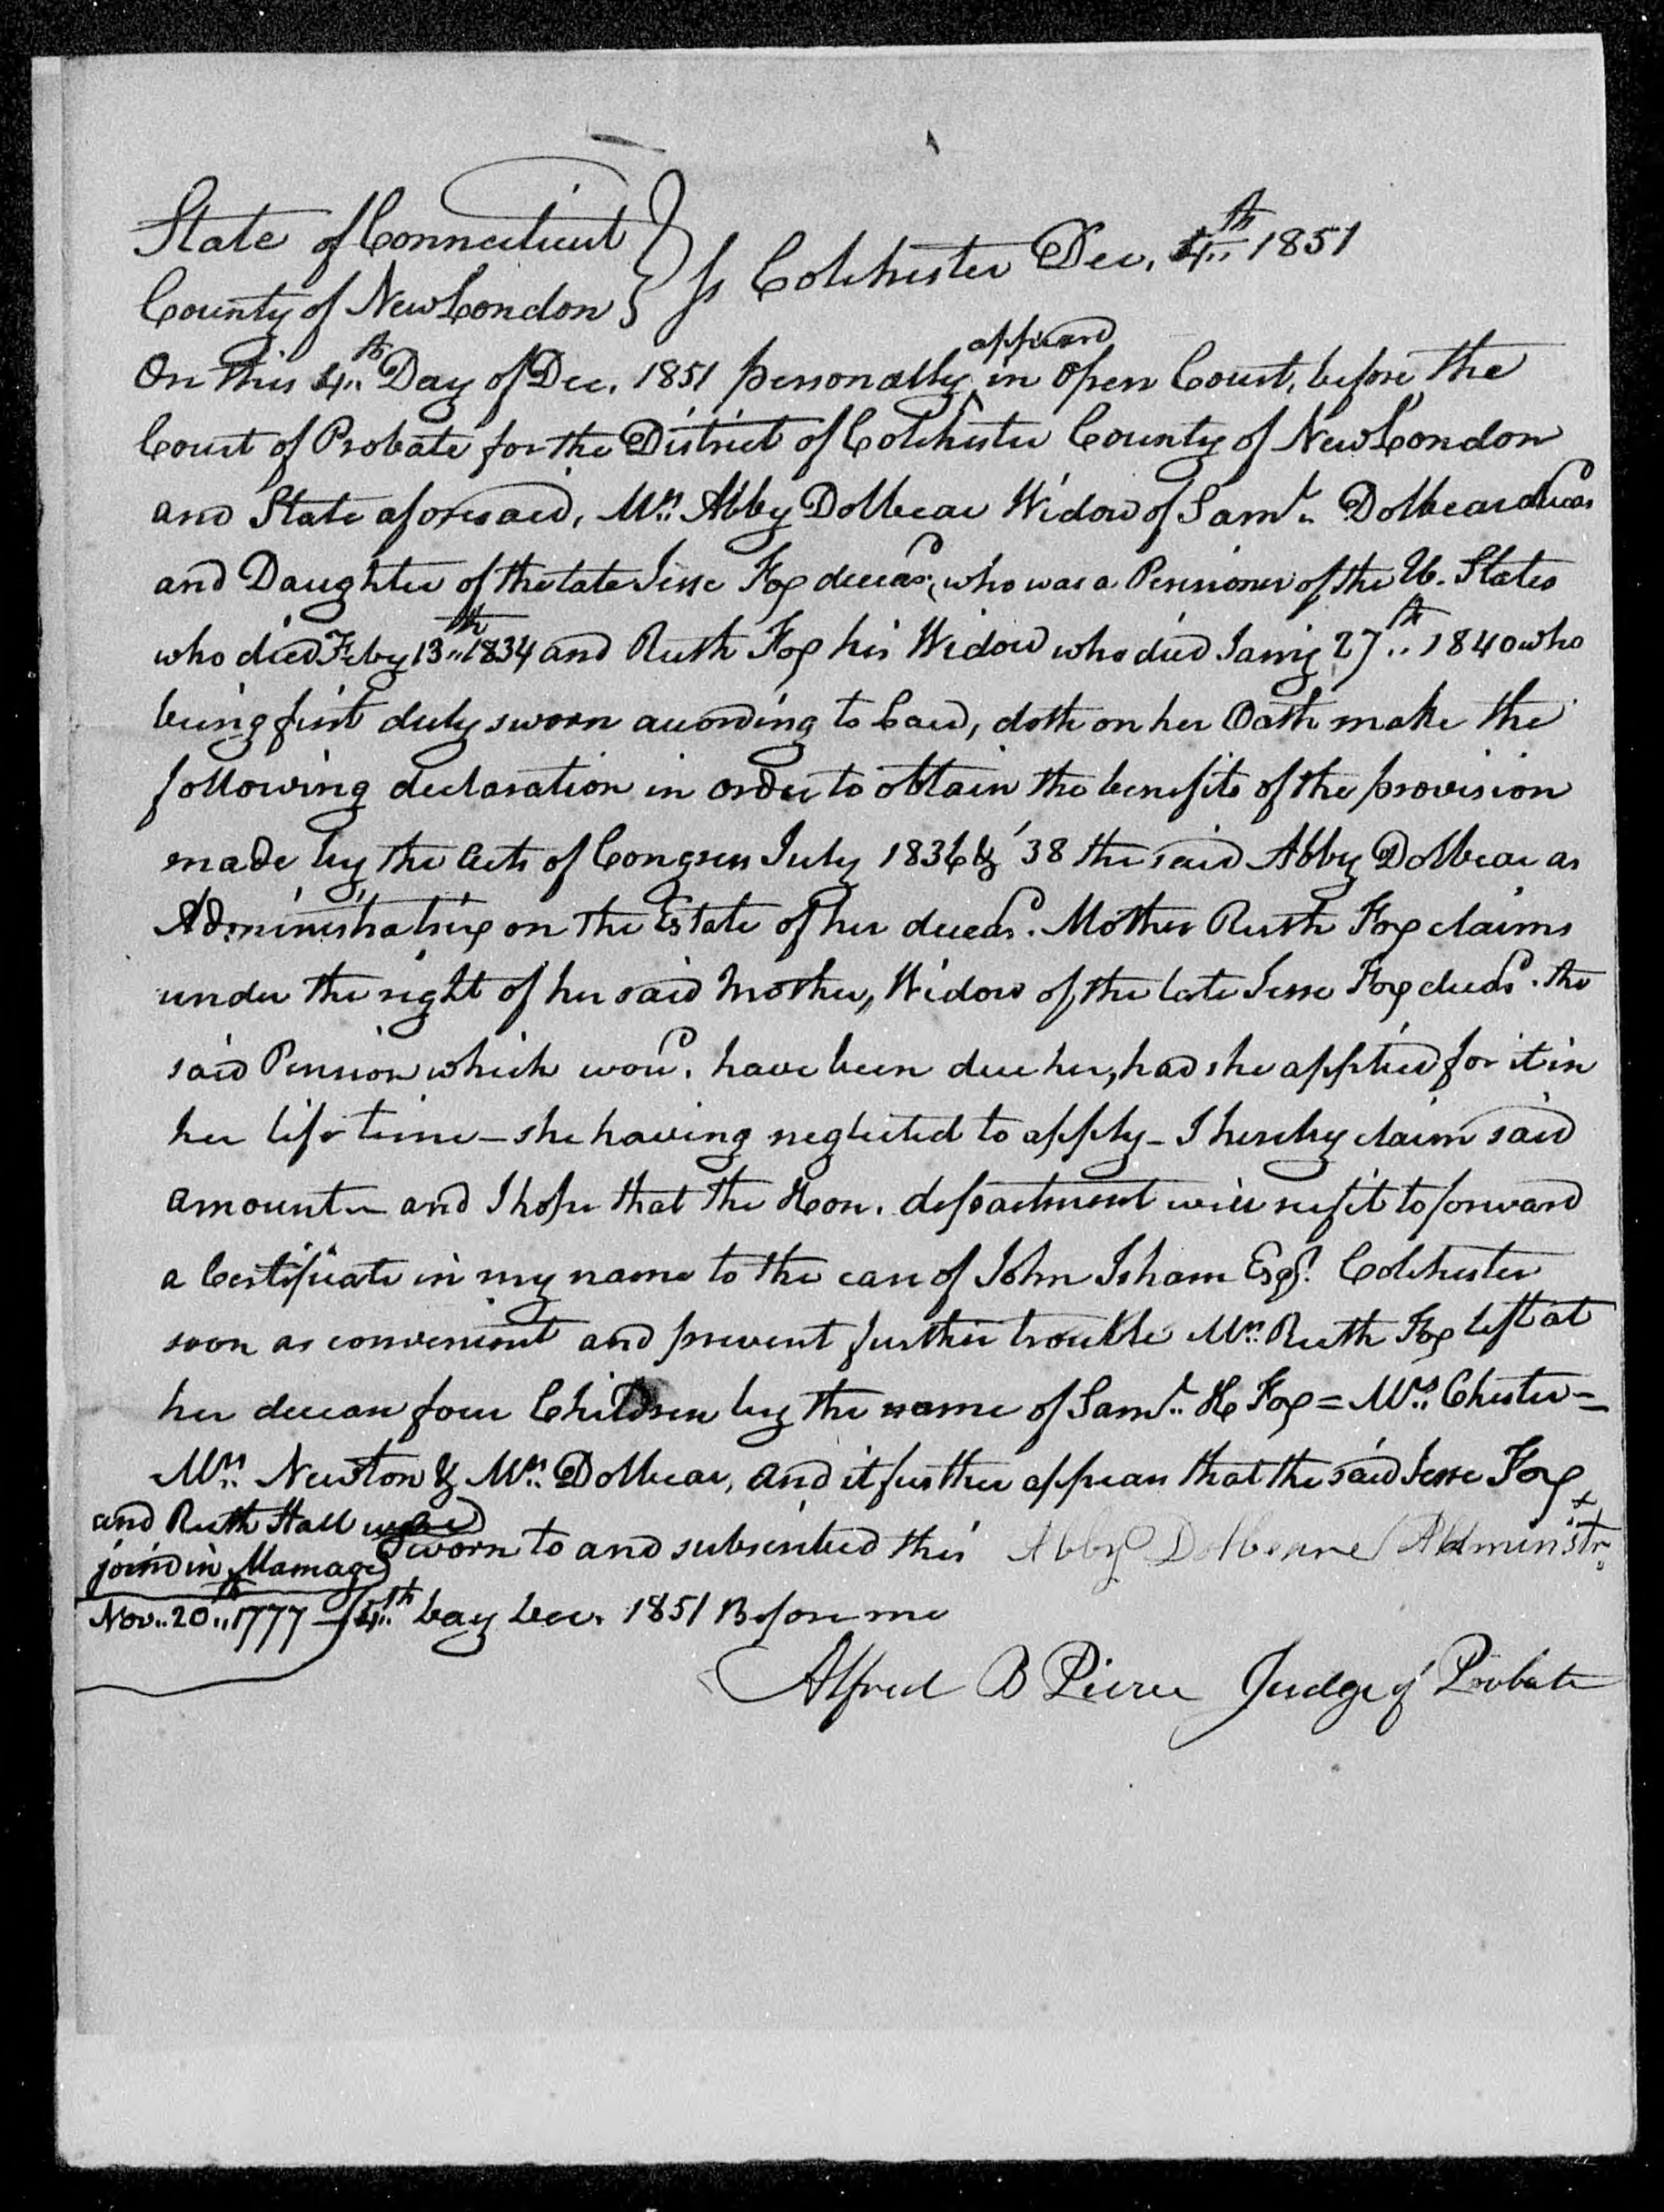State of Connecticut
County of New London} ss. Colchester Dec. 4th 1851

On this 4th day of Dec. 1851, personally appeared in open Court, before the Court of Probate for the District of Colchester, County of New London and State aforesaid, Mrs. Abby Dolbear widow of Saml Dolbear deced. and Daughter of the late Jesse Fox deceasd, who was a Pensioner of the U. States who died Feby 13th 1834 and Ruth Fox his widow who died Jany 27, 1840 who being first duly sworn according to Law, doth on her oath make the following declaration in order to obtain the benefits of the provision made by the acts of Congress July 1836 & '38 the said Abby Dolbear as Administrating on the estate of her decesd Mother Ruth Fox claims under the right  of her said Mother, widow of the late Jesse Fox deceasd the said Pension which would have been due her, had she applied for it in her lifetime, she having neglected to apply. I hereby claim said amount, and I hope that the Hon. department will see fit to forward a certificate in my name to the care of John Isham Esq. Colchester soon as convenient and prevent further trouble Mrs. Ruth Fox left at her decease four children by the name of Saml H Fox, Mrs. Chester, Mrs. Newton, & Mrs. Dolbear, and it further appears that the said Jesse Fox and Ruth Hall were joined in marriage Nov 20, 1777.

Abby Dolbear Adminstr

Sworn to and subscribed this 4th day of Dec. 1851before me.

Alfred B. Pierce Judge of Probate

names: John Isham, Abby Dolbear, Ruth Fox, Jesse Fox, Jesse Fox, Jesse Fox, Alfred B Pierce, Newton, Ruth Fox, Saml H Fox, Ruth Hall, Dolbear, Chester, Abby Dolbear, Ruth Fox, Abby Dolbear, Saml Dolbear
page: 51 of 53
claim: rejected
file: R. 3732, Jesse Fox, Conn.